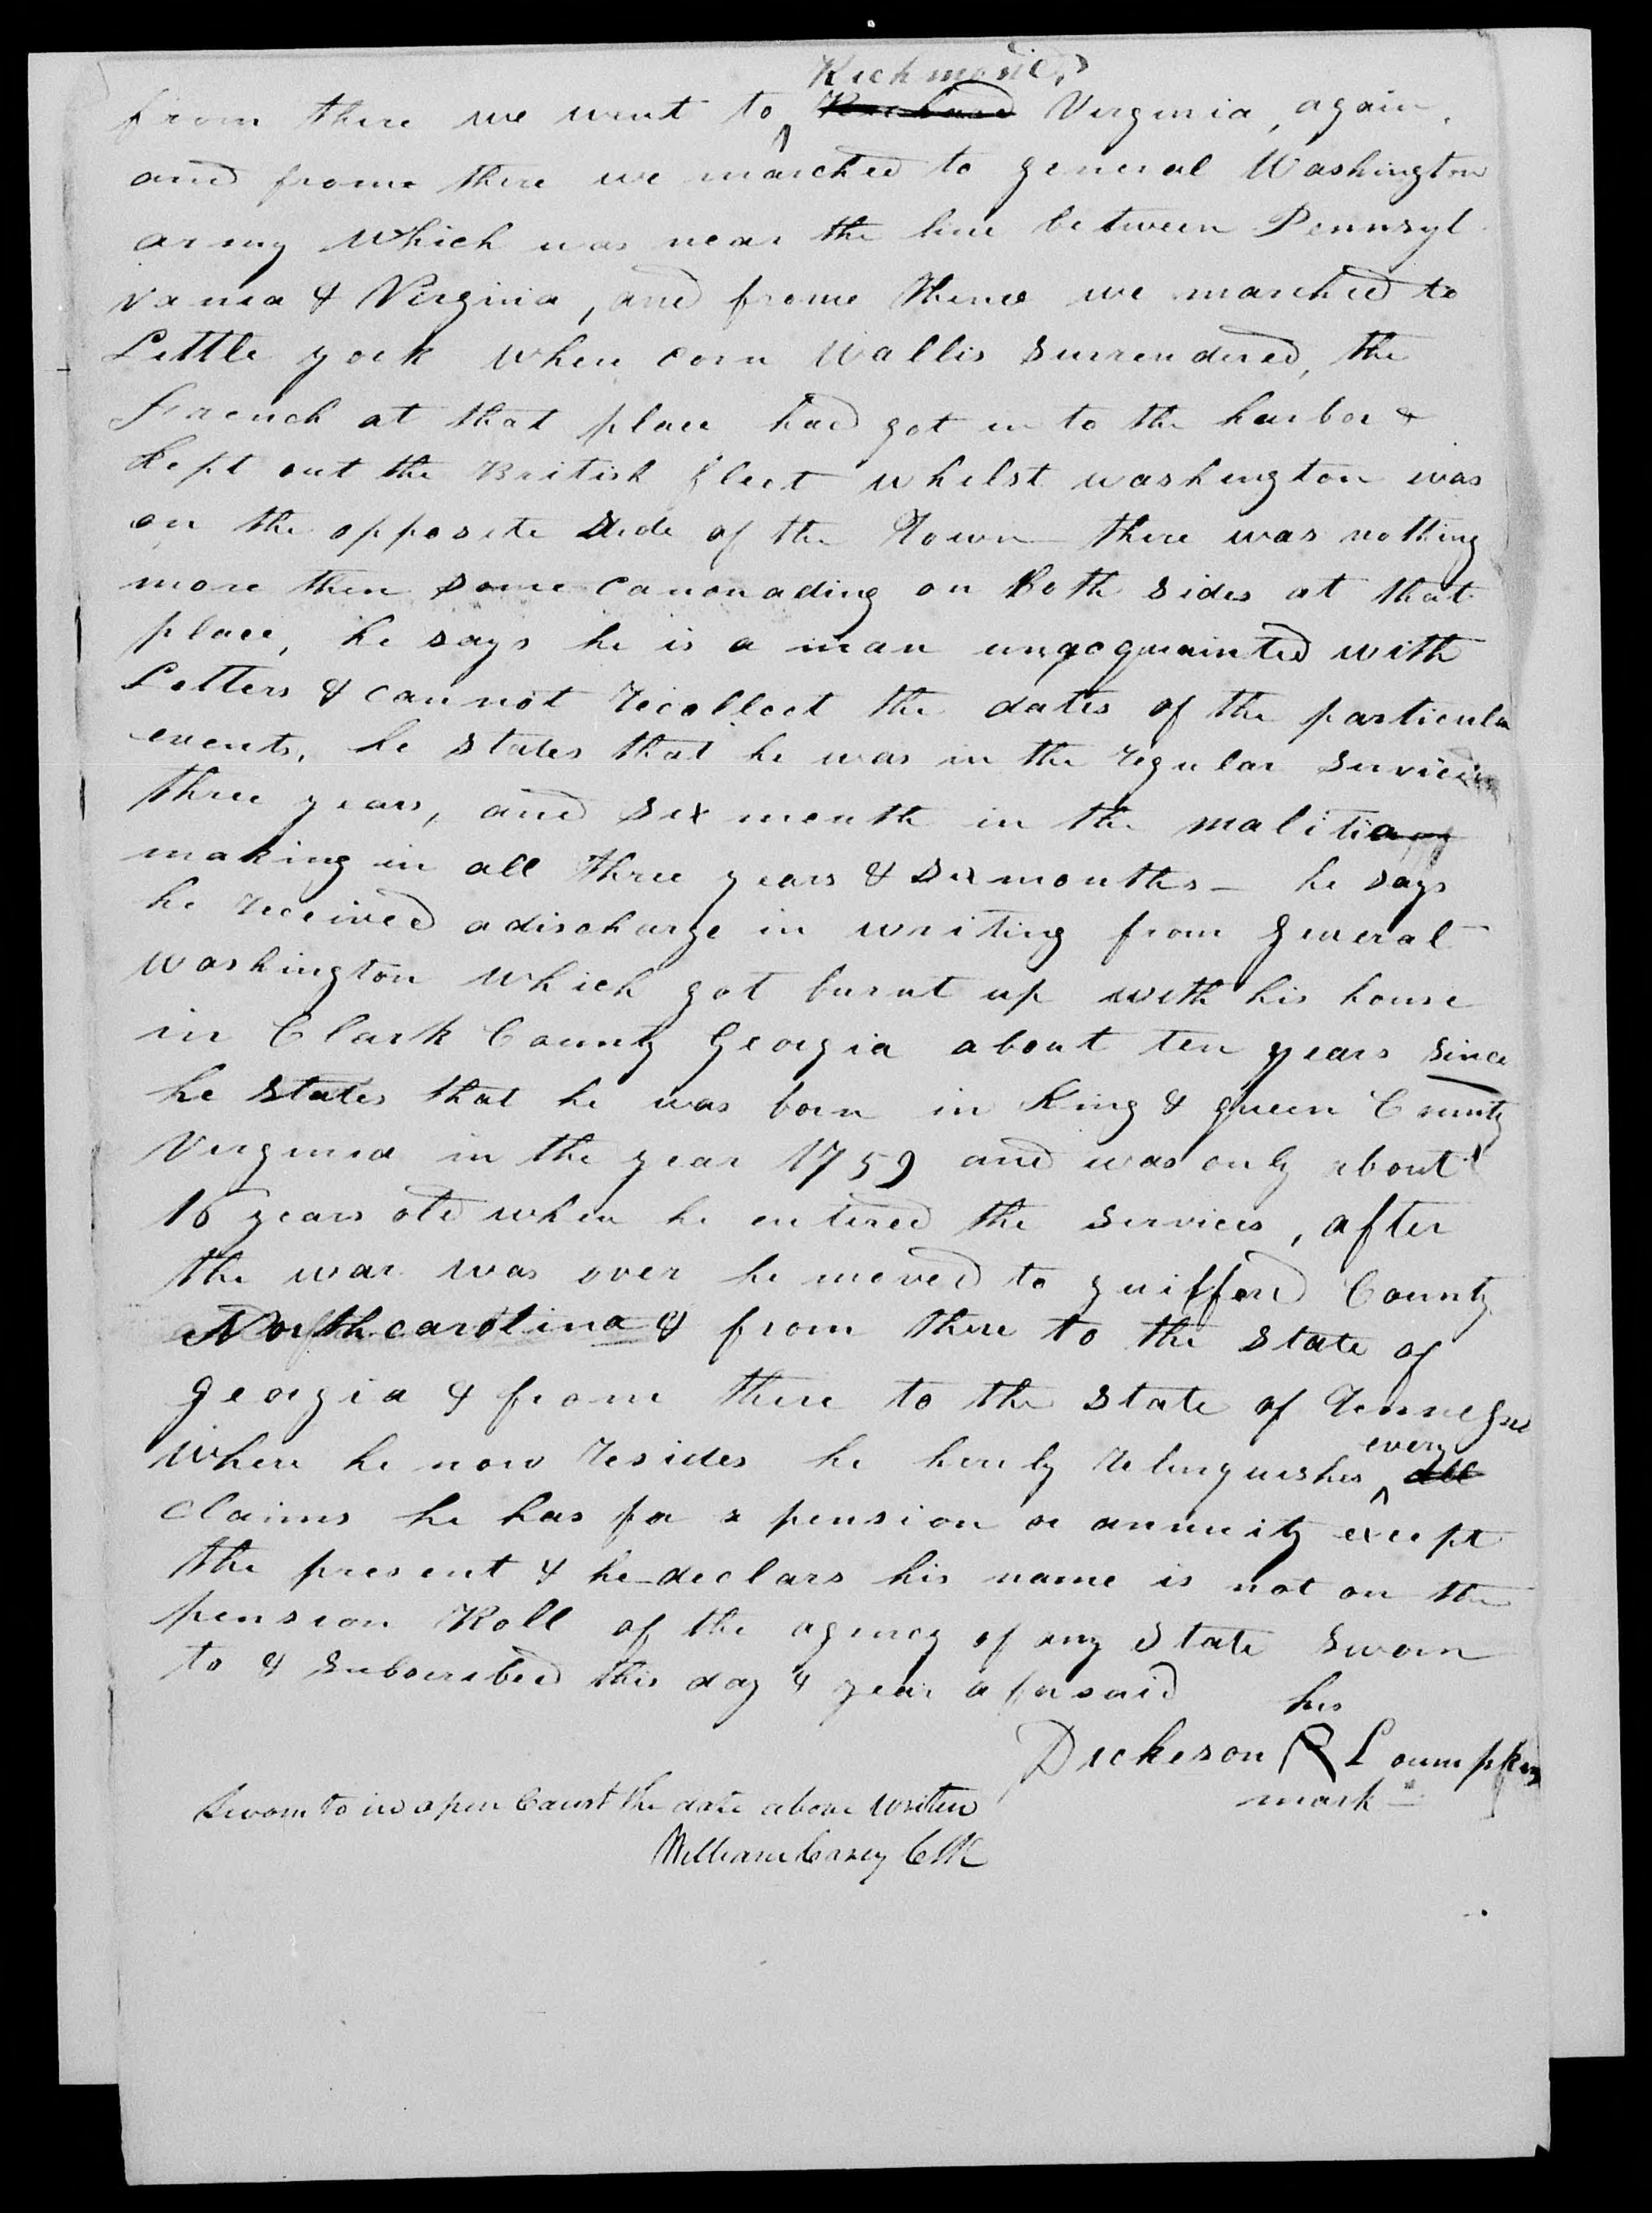(Handwritten document)
from there we went to(inserted: Richmond) Virginia, again and from there we marched to General Washington army which was near the line between Pennsylvania & Virgina, and from thence we marched to Little York when corn Wallis surrendered, the french at that place had got in to the harbor & kept out the British fleet whilst Washington was on the opposite side of the Town there was nothing more than some cannonading on both sides at that place, he says he is a man unacquainted with Letters & cannot recollect the dates of the particular events. he states that he was in the regular service three years, and six month in the malitia making in all three years & six months - he says he received a discharge in writing from General Washington which got burnt up with his house in Clark County Georgia about ten years since he states that he was born in King & Queen County Virginia in the year 1759 and was only about16 years old when he entered the services, after the war was over he moved to Guilford County North Carolina & from there to the State of Georgia & from there to the State of Tennessee where he now resides he hereby relinquishes (inserted: every) claims he has for a pension or annuity except the present & he declares his name is not on the pension Roll of the agency of any State Sworn to & subscribed this day & year aforesaid
Dickeson his R mark Loumpkin
Sworn to in open Court the date above written
William Casey Clk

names: [BLANK] Cornwallis; William Carey; Dickeson Loumpkins; [BLANK] Washington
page: 5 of 37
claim: rejected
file: R. 6521, for Dickeson Lumpkin, Pennsylvania